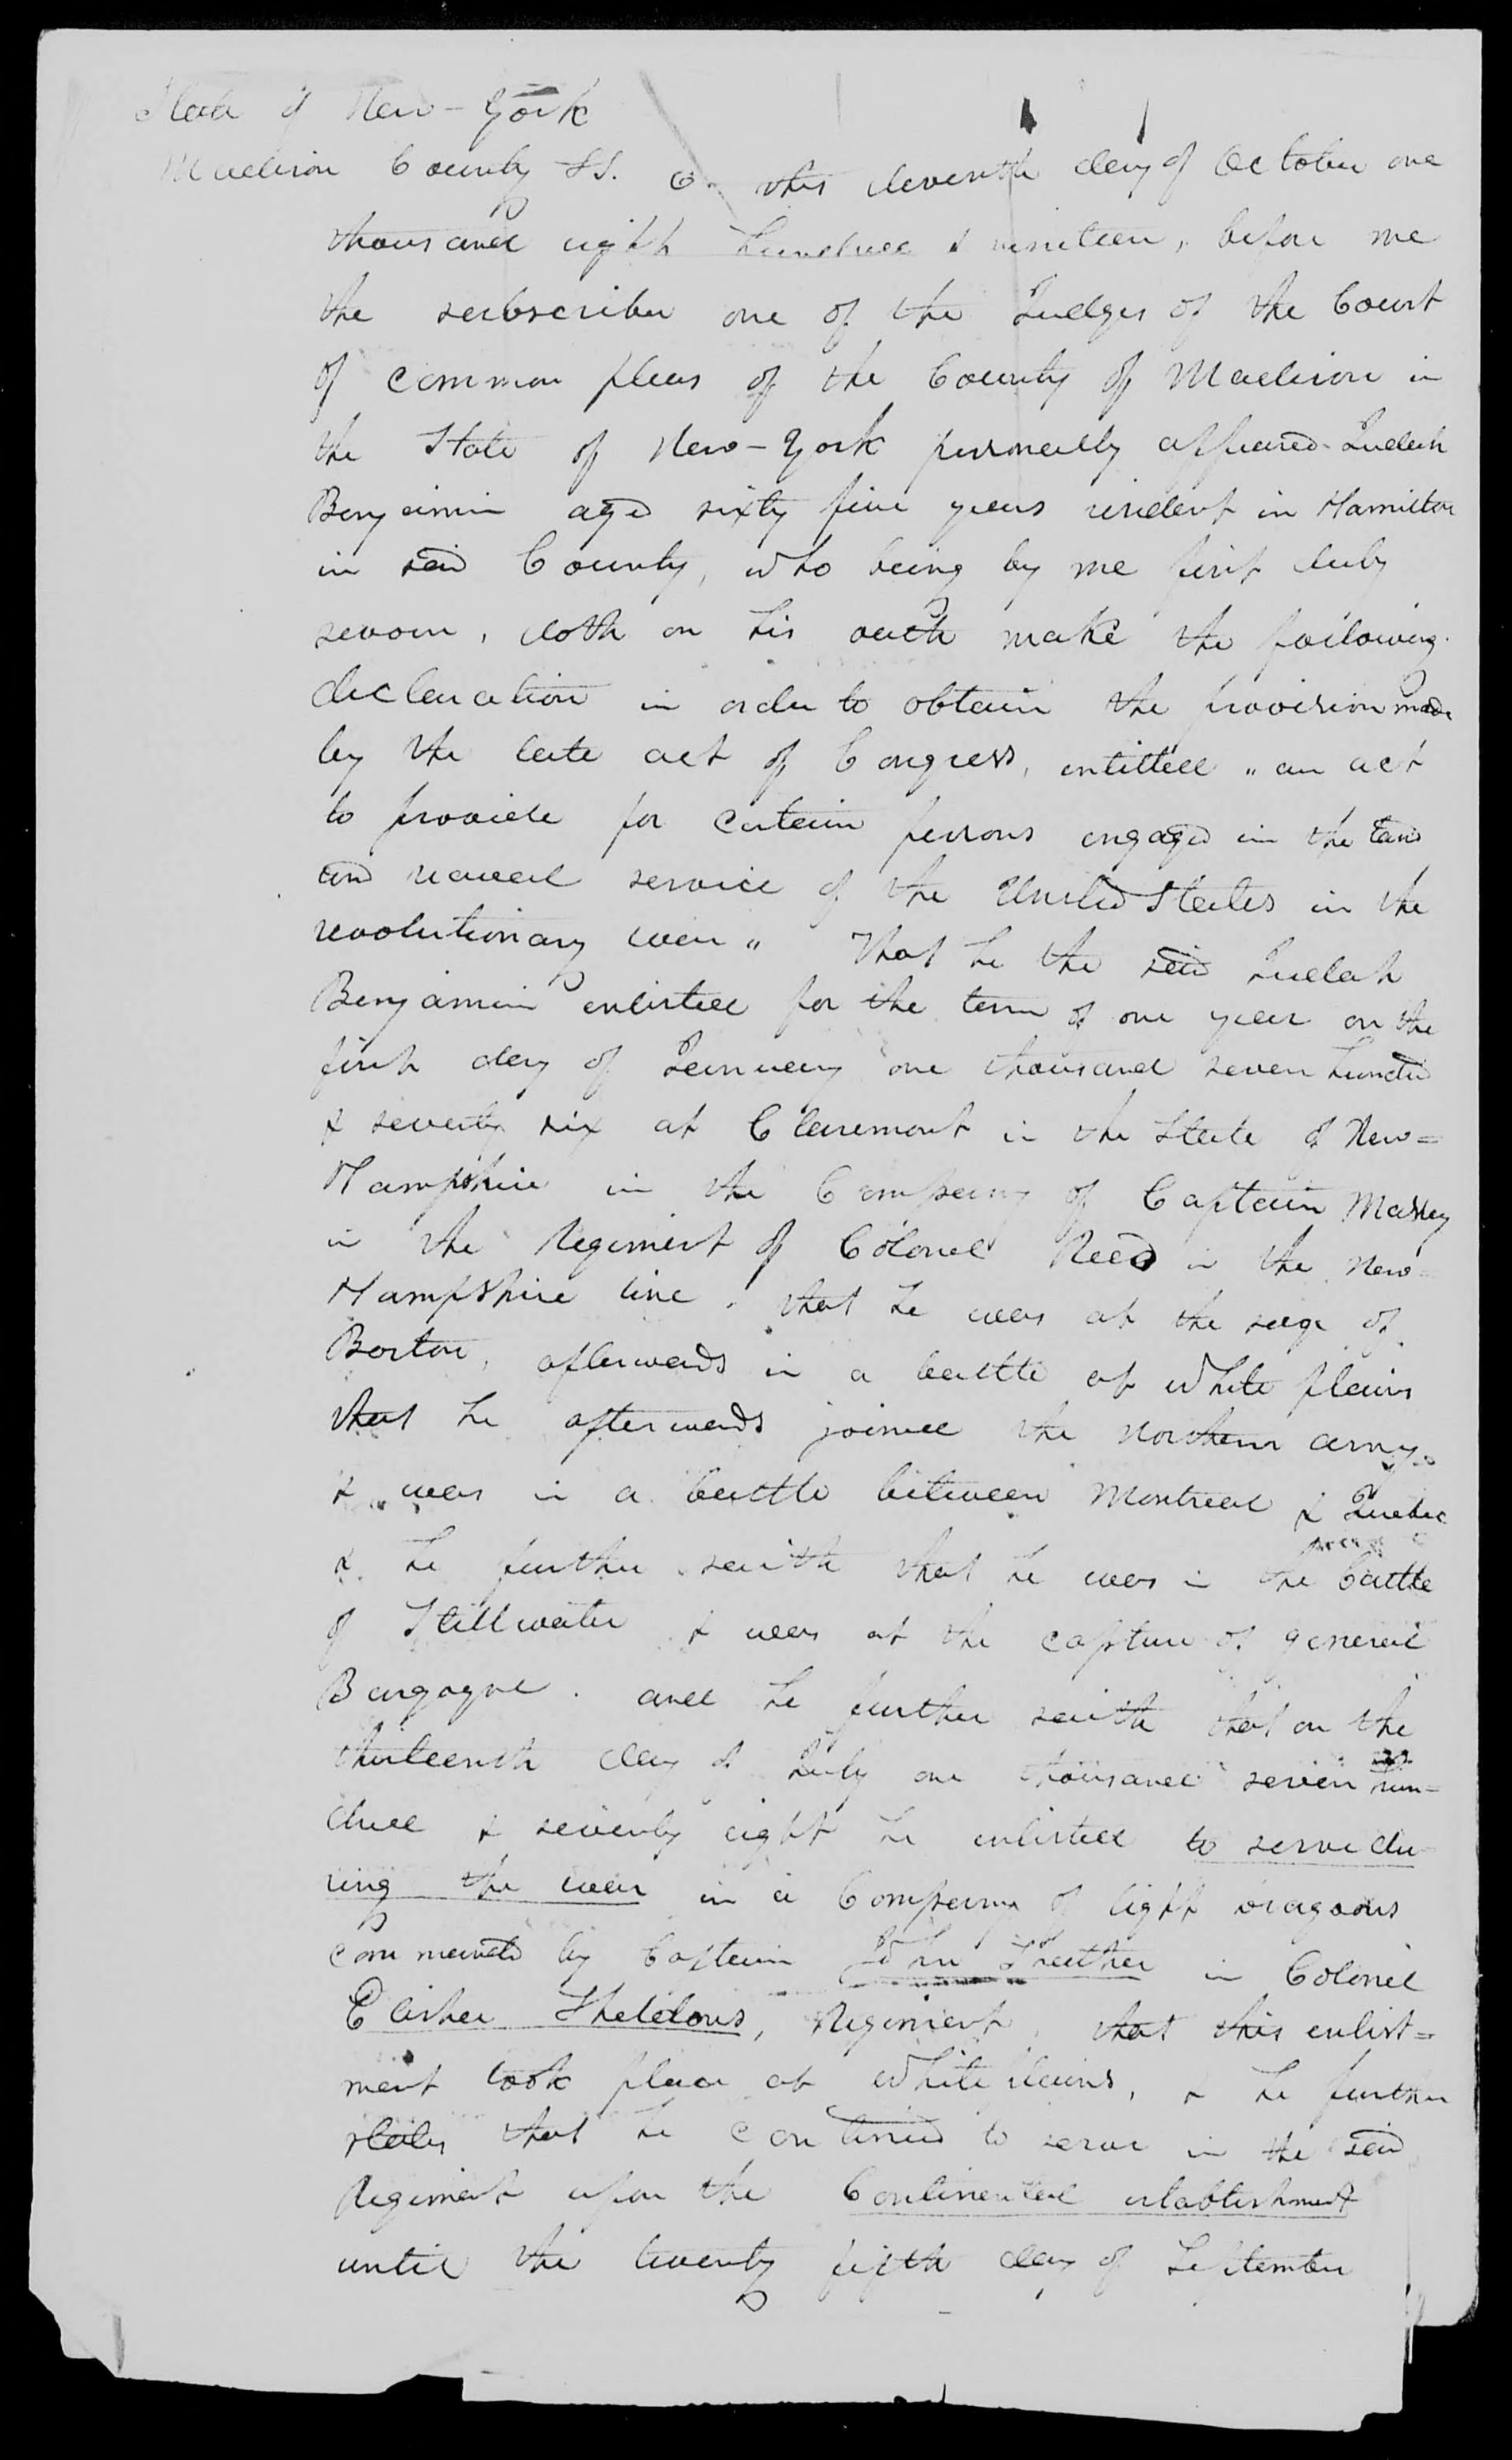State of New York
Madison County SS.   On this eleventh day of October one thousand eight hundred & nineteen, before me the subscriber one of the Judges of the Court of Common pleas of the County of Mason in the State of New York personally appeared Judah Benjamin age sixty five years resident in Hamilton in said County, who being by me first duly sworn, doth on his oath make the following declaration in order to obtain the provision made by the late act of Congress, entitled "an act to provide for certain persons engaged in the land and naval service of the United States in the revolutionary war " that he the said Judah Benjamin enlisted for the term of one year on the first day of January one thousand seven hundred seventy six of Claremont in the State of New Hampshire in the Company of Captain Markey in the Regiment of Colonel Reed in the New Hampshire line, that he was at the siege of Boston, afterwards in a battle of White plains that he afterwards joined the Northern army & was in a battle between Montreal & Quebec\ he further saith that he was in the Battle of Stillwater & was at the capture of General Burgoyne and he further saith that on the thirteenth day of July one thousand seven eight he enlisted to serve during the war in a company of light Dragoons commanded by Captain John Sheather in Colonel Elisha Sheltons Regiment that this enlistment took place at white plains & he further states that he continued to serve in the said Regiment upon the Continental establishment until the twenty fifth day of September
[end of page]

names: Judah Benjamin, Elisha Sheldons, Burgoyne, John Shather, Judah Benjamin, Reed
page: 7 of 34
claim: survivor's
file: S. 39981, Judah Benjamin, Continental (N. H. And N. Y.)